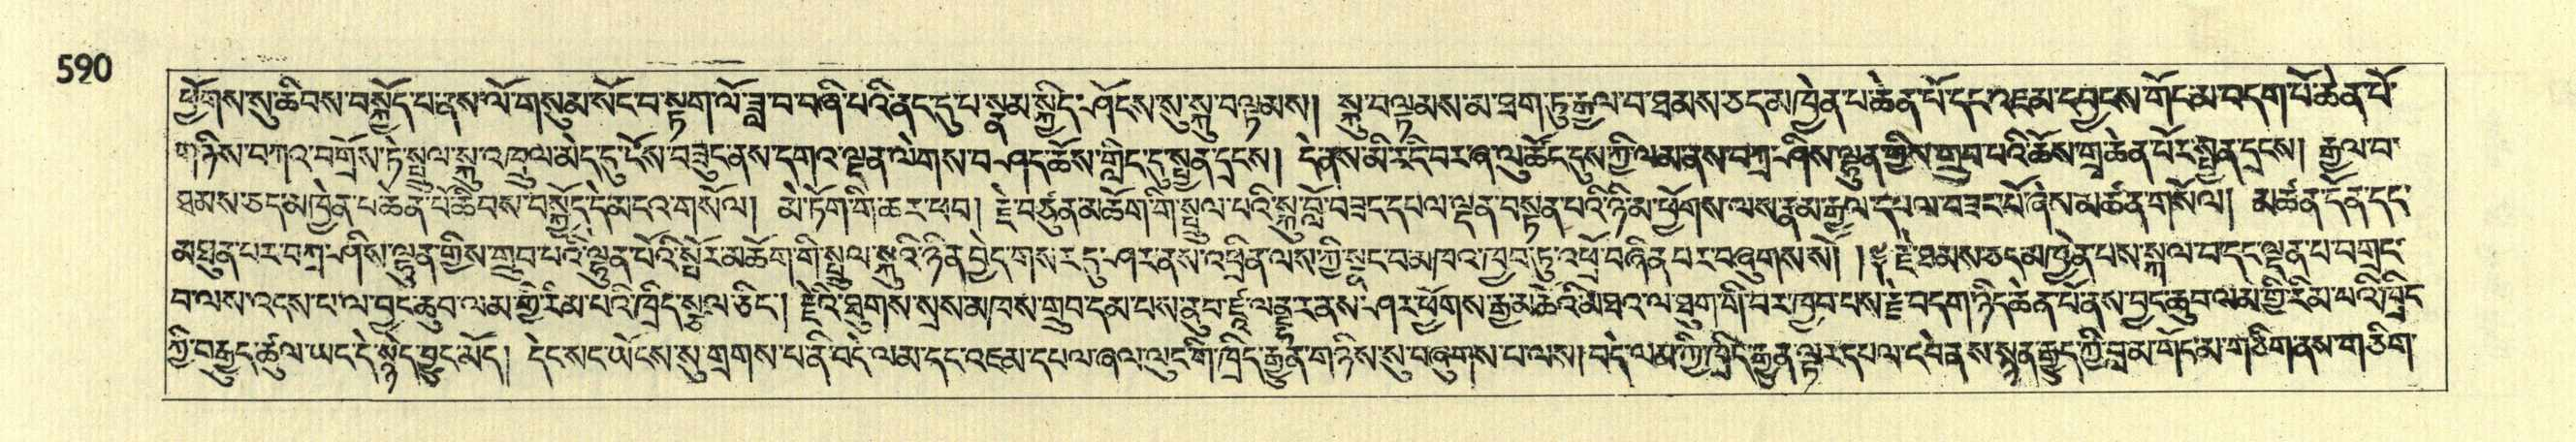ཕྱོགས་སུ་ཆིབས་བསྐྱོད་པ་ནས་ལོ་གསུམ་སོང་བ་སྟག་ལོ་ཟླ་བ་བཞི་པའི་ནང་དུ་པ་སྣམ་སྐྱིད་ཤོངས་སུ་སྐུ་བལྟམས། སྐུ་བལྟམས་མ་ཐག་ཏུ་རྒྱལ་བ་ཐམས་ཅད་མཁྱེན་པ་ཆེན་པོ་དང་འཇམ་དབྱངས་གོང་མ་བདག་པོ་ཆེན་པོ་
གཉིས་བཀའ་བགྲོས་ཏེ་སྤྲུལ་སྐུ་འཁྲུལ་མེད་དུ་ངོས་བཟུང་ནས་དགའ་ལྡན་ལེགས་བཤད་ཆོས་གླིང་དུ་སྤྱན་དྲངས། དེ་ནས་མི་རིང་བར་ཞ་ལུ་ཚོང་དུས་ཀྱི་ལམ་ནས་བཀྲ་ཤིས་ལྷུན་གྱིས་གྲུབ་པའི་ཆོས་གྲྭ་ཆེན་པོར་སྤྱན་དྲངས། རྒྱལ་བ་
ཐམས་ཅད་མཁྱེན་པ་ཆེན་པོ་ཆིབས་བསྐྱོད་དེ་མངའ་གསོལ། མེ་ཏོག་གི་ཆར་ཕབ། རྗེ་བཙུན་མཆོག་གི་སྤྲུལ་པའི་སྐུ་བློ་བཟང་དཔལ་ལྡན་བསྟན་པའི་ཉི་མ་ཕྱོགས་ལས་རྣམ་རྒྱལ་དཔལ་བཟང་པོ་ཞེས་མཚན་གསོལ། མཚན་དོན་དང་
མཐུན་པར་བཀྲ་ཤིས་ལྷུན་གྱིས་གྲུབ་པའི་ལྷུན་པོའི་སྤོར་མཆོག་གི་སྤྲུལ་སྐུའི་ཉིན་བྱེད་གསར་དུ་ཤར་ནས་འཕྲིན་ལས་ཀྱི་སྣང་བ་མཁའ་ཁྱབ་ཏུ་འཕྲོ་བཞིན་པར་བཞུགས་སོ། །༈ རྗེ་ཐམས་ཅད་མཁྱེན་པས་སྐལ་བ་དང་ལྡན་པ་བགྲང་
བ་ལས་འདས་པ་ལ་བྱང་ཆུབ་ལམ་གྱི་རིམ་པའི་ཁྲིད་སྩལ་ཅིང་། རྗེའི་ཐུགས་སྲས་མཁས་གྲུབ་དམ་པས་ནུབ་ཛཱ་ལནྡྷ་ར་ནས་ཤར་ཕྱོགས་རྒྱ་མཚོའི་མཐའ་ལ་ཐུག་གི་བར་ཁྱབ་པས་རྗེ་བདག་ཉིད་ཆེན་པོ་ནས་བྱང་ཆུབ་ལམ་གྱི་རིམ་པའི་ཁྲིང་
ཀྱི་བརྒྱུད་ཚུལ་ཡང་དེ་སྙེད་བྱུང་མོད། དེང་སང་ཡོངས་སུ་གྲགས་པ་ནི་བདེ་ལམ་དང་འཇམ་དཔལ་ཞལ་ལུང་གི་ཁྲིད་རྒྱུན་གཉིས་སུ་བཞུགས་པ་ལས། བདེ་ལམ་ཀྱི་ཁྲིད་རྒྱུན་ལྟར་དཔལ་དབེན་ས་སྙན་རྒྱུད་ཀྱི་བླ་མ་གོང་མ་གཅིག་ནས་གཅིག་